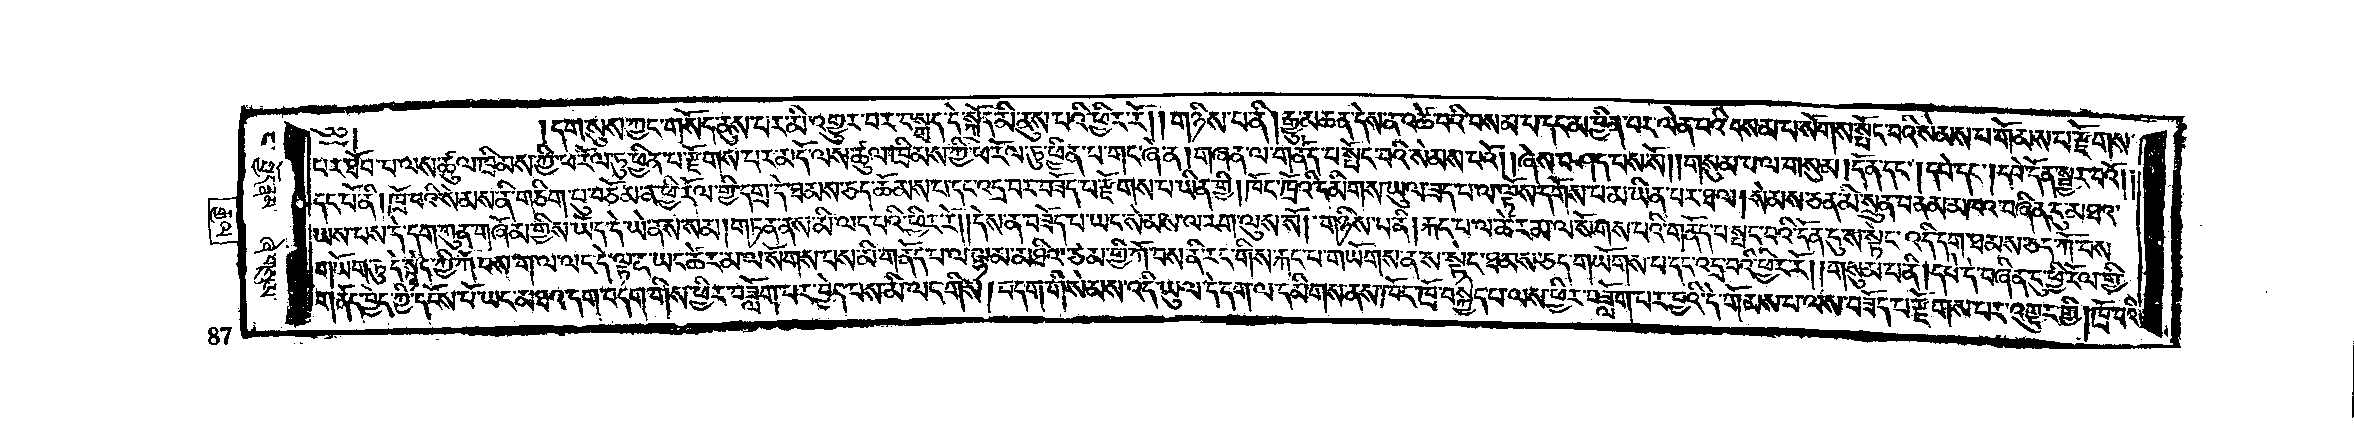༄༅། །དག་སུས་ཀྱང་གསོད་ནུས་པར་མི་འགྱུར་བར་བསྐྲད་དེ་སྐོད་མི་ནུས་པའི་ཕྱིར་རོ། །གཉིས་པ་ནི། རྒྱུ་མཚན་དེས་ན་འཚེ་བའི་བསམ་པ་དང་མ་བྱིན་པར་ལེན་པའི་བསམ་པ་སོགས་སྤོང་བའི་སེམས་པ་གོམས་པ་རྫོགས་
པར་ཐོབ་པ་ལས་ཚུལ་ཁྲིམས་ཀྱི་ཕ་རོལ་ཏུ་ཕྱིན་པ་རྫོགས་པར་མདོ་ལས་ཚུལ་ཁྲིམས་ཀྱི་ཕ་རོལ་ཏུ་ཕྱིན་པ་གང་ཞེ་ན། གཞན་ལ་གནོད་པ་སྤོང་བའི་སེམས་པའོ། །ཞེས་བཤད་པས་སོ། །གསུམ་པ་ལ་གསུམ། དོན་དང་། དཔེ་དང་། དཔེ་དོན་སྦྱར་བའོ། །
དང་པོ་ནི། ཁྲོ་བའི་སེམས་ནི་གཅིག་པུ་བཅོམ་ན་ཕྱི་རོལ་གྱི་དགྲ་དེ་ཐམས་ཅད་ཆོམས་པ་དང་འདྲ་བར་བཟོད་པ་རྫོགས་པ་ཡིན་གྱི་།ཁོང་ཁྲོའི་དམིགས་ཡུལ་ཟད་པ་ལ་ལྟོས་དགོས་པ་མ་ཡིན་པར་ཐལ། སེམས་ཅན་མི་སྲུན་པ་ནམ་མཁའ་བཞིན་དུ་མཐའ་
ཡས་པས་དེ་དག་ཀུན་གཞོམ་གྱིས་ཡོད་དེ་ཡེ་ནས་སམ། གཏན་ནས་མི་ལད་པའི་ཕྱིར་རོ། །དེས་ན་བཟོད་པ་ཡང་སེམས་ལ་རག་ལུས་སོ། །གཉིས་པ་ནི། རྐང་པ་ལ་ཚེར་མ་ལ་སོགས་པ་འི་གནོད་པ་སྤང་བའི་དོན་དུ་ས་སྟེང་འདི་དག་ཐམས་ཅད་ཀོ་བས་
གཡོག་ཏུ་དེ་སྙེད་ཀྱི་ཀོ་བས་ག་ལ་ལང་དེ་ལྟ་ན་ཡང་ཚེར་མ་ལ་སོགས་པས་མི་གནོད་པ་ལ་ལྷམ་མཐའི་ཙམ་གྱི་ཀོ་བས་ནི་རང་གིས་རྐང་པ་གཡོགས་ནས་ས་སྟེང་ཐམས་ཅད་གཡོགས་པ་དང་འདྲ་བའི་ཕྱིར་རོ། །གསུམ་པ་ནི། དཔེ་དེ་བཞིན་དུ་ཕྱི་རོལ་གྱི་
གནོད་བྱེད་ཀྱི་དངོས་པོ་ཡང་མཐའ་དག་བདག་གིས་ཕྱིར་བཟློག་པར་བྱེད་པས་མི་ལང་གིས། བདག་གི་སེམས་འདི་ཡུལ་དེ་དག་ལ་དམིགས་ནས་ཁོང་ཁྲོ་བསྐྱེད་པ་ལས་ཕྱིར་བཟློག་པར་བྱའི་དེ་གོམས་པ་ལས་བཟོད་པ་རྫོགས་པར་འགྱུར་ཀྱི་།ཁོར་བའི་